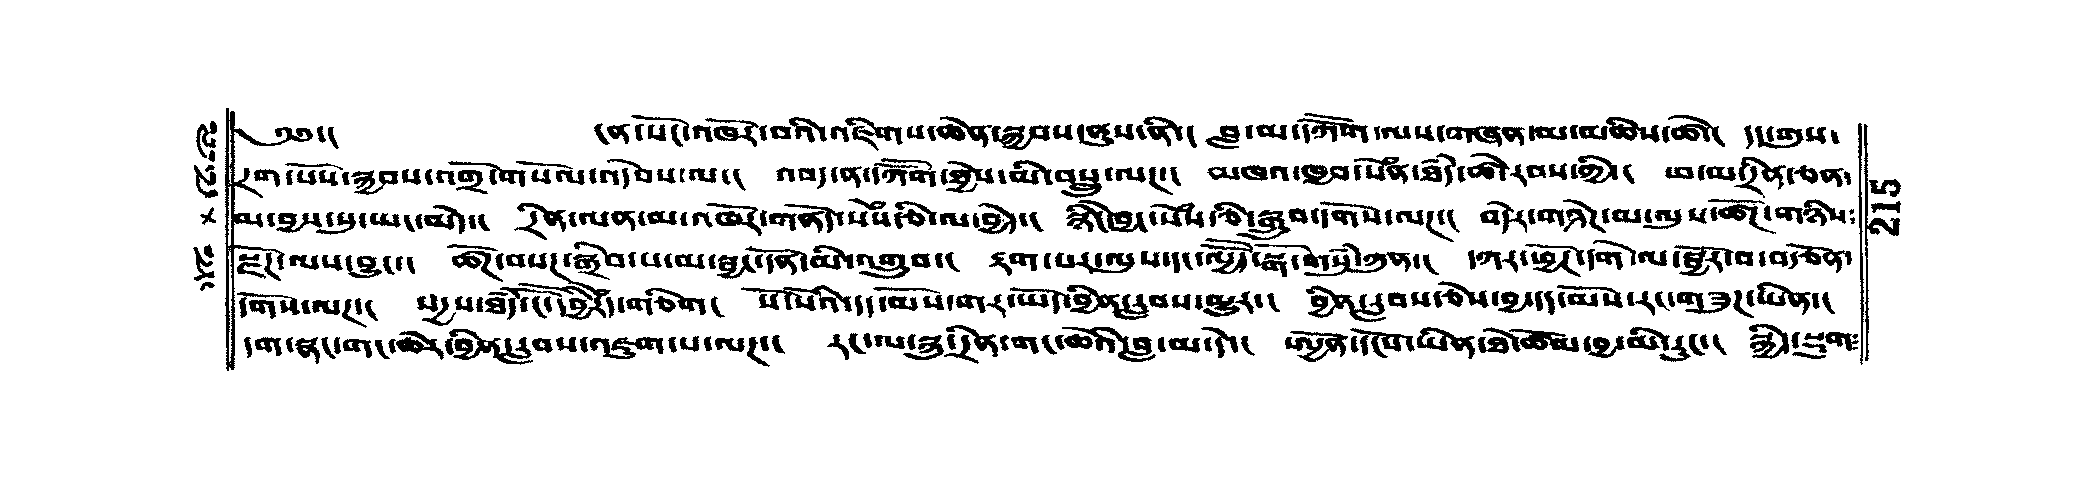།ངན་སོང་འཁོར་བའི་འཇིགས་ཆེན་སྐྱབས་ནུས་ནི། །བླ་མ་དཀོན་མཆོག་ལས་གཞན་མ་མཆིས་ཚེ། །དད་གུས་
དྲག་པོས་སྐྱབས་འགྲོ་གསོལ་འདེབས་ལ། །འབད་ན་དཀོན་མཆོག་ཐུགས་རྗེ་མི་བསླུ་ལགས། །མཁའ་ཁྱབ་སེམས་ཅན་ཐམས་ཅད་ཚེ་རབས་ཀྱི། །ཕ་མ་དྲིན་ཅན་
མ་བྱས་སུ་ཡང་མེད། །དྲིན་ལན་མ་འཁོར་གནོད་སེམས་ཅི་ལ་བྱེད། །སྙིང་རྗེ་བྱང་སེམས་ཅི་སྒྲུབ་དགོས་ལགས། །བདེ་གཤེགས་མ་ལུས་ཚོགས་གཉིས་
རྫོགས་བྱེད་ལས་བྱུང་། །ཚོགས་བསགས་སྒྲིབ་པ་མ་སྦྱང་དོན་མི་འགྲུབ། །རྟག་པར་ལུས་དང་ལོངས་སྤྱོད་སྒོ་གསུམ་ཀུན། །དཀར་ཕྱོགས་དགེ་ལ་སྦྱོར་བ་བརྩོན་
དགོས་ལགས། །སངས་རྒྱས་ཐམས་ཅད་ངོ་བོ་དབྱེར་མེད་གཅིག །སོ་སོའི་དད་མོས་གར་ཡོད་བྱིན་རླབས་མྱུར། །བྱིན་རླབས་ཞེས་བྱ་དད་མོས་རང་གཟུགས་ཡིན། །
དག་སྣང་གང་ཆེར་བྱིན་རླབས་འཇུག་པ་ལགས། །རང་ལ་སྐུ་དྲིན་ཆེ་བའི་བླ་མ་དེ། །ཨོ་རྒྱན་དངོས་ཡིན་ཐེ་ཚོམ་བྱ་མི་རུང་། །སྐྱིད་སྡུག